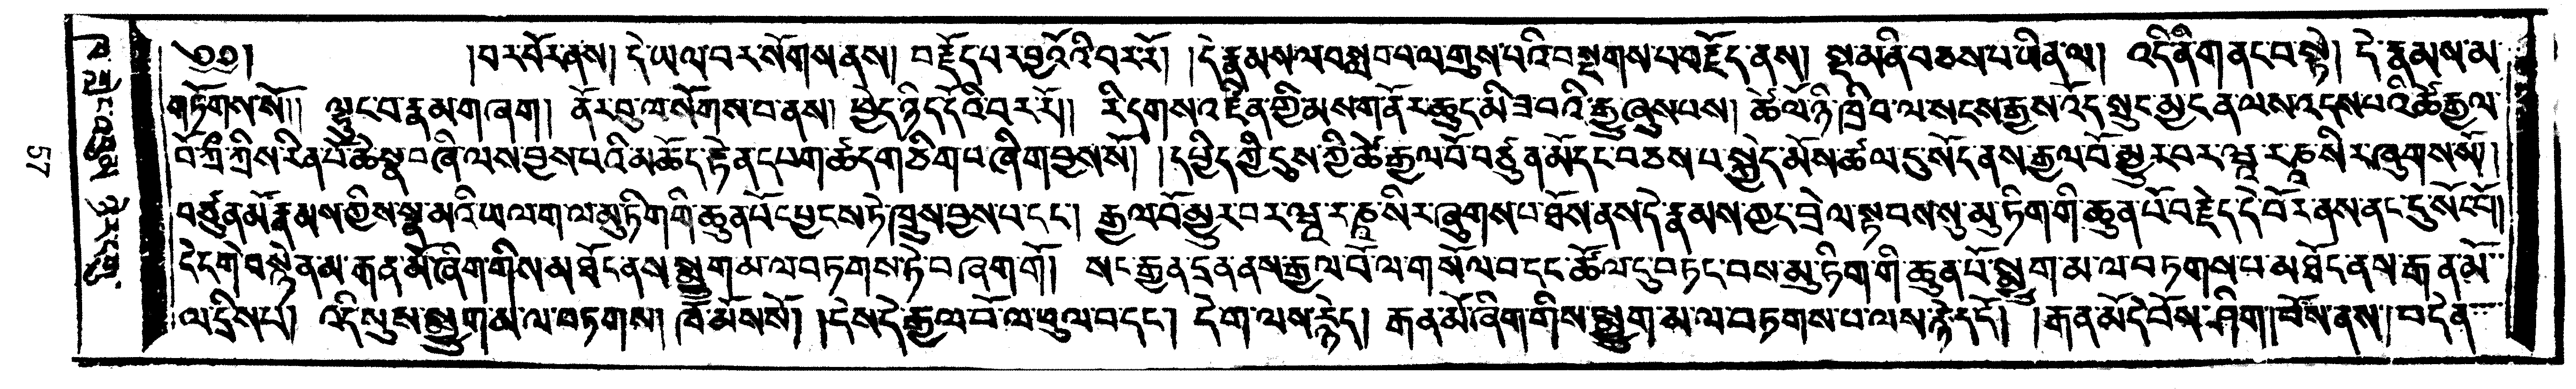༄༅། །བར་བོར་ནས། དེ་ཡལ་བར་སོགས་ནས། བརྗོད་པར་བྱའོའི་བར་རོ། །དེ་རྣམས་ལ་བསླབ་པ་ལ་གུས་པའི་བསྔགས་པ་བརྗོད་ནས། སྔ་མ་ནི་བཅས་པ་ཡིན་ལ། འདི་ནི་གནང་བ་སྟེ། དེ་རྣམས་མ་
གཏོགས་སོ། །ལྟུང་བ་རྣམ་གཞག། ནོར་བུ་ལ་སོགས་པ་ནས། ཕྱེད་ཉིད་དོའི་བར་རོ། །རི་དྭགས་འཛིན་གྱི་མས་ག་ནོར་ཆུད་མི་ཟ་བའི་རྒྱུ་ཞུས་པས། ཚེ་ལོ་ཉི་ཁྲི་བ་ལ་སངས་རྒྱས་འོད་སྲུང་མྱ་ངན་ལས་འདས་པའི་ཚེ་རྒྱལ་
བོ་ཀྲྀ་ཀྲིས་རིན་པོ་ཆེ་སྣ་བཞི་ལས་བྱས་པའི་མཆོད་རྟེན་དཔག་ཚད་གཅིག་པ་ཞིག་བྱས་སོ། །དཔྱིད་ཀྱི་དུས་ཀྱི་ཚེ་རྒྱལ་པོ་བཙུན་མོ་དང་བཅས་པ་སྐྱེད་མོས་ཚལ་དུ་སོང་ནས་རྒྱལ་པོ་མྱུར་བར་ཝཱ་ར་ཎཱ་སིར་ཞུགས་སོ།།
བཙུན་མོ་རྣམས་ཀྱིས་སྣ་མའི་ཡལ་ག་ལ་མུ་ཏིག་གི་ཆུན་པོ་དཔྱངས་ཏེ་ཁྲུས་བྱས་པ་དང་། རྒྱལ་པོ་མྱུར་བར་ཝཱ་ར་ཎཱ་སིར་ཞུགས་པ་ཐོས་ནས་དེ་རྣམས་ཀྱང་བྲེལ་སྟབས་སུ་མུ་ཏིག་གི་ཆུན་པོ་བརྗེད་དེ་བོར་ནས་ནང་དུ་སོང་ངོ།།
དེ་དགེ་བསྙེན་མ་རྒན་མོ་ཞིག་གིས་མཐོང་ནས་སྨྱུག་མ་ལ་བཏགས་ཏེ་བཞག་གོ། སང་རྒྱན་དྲན་ནས་རྒྱལ་པོ་ལ་གསོལ་བ་དང་ཚོལ་དུ་བཏང་བས་མུ་ཏིག་གི་ཆུན་པོ་སྨྱུག་མ་ལ་བཏགས་པ་མཐོང་ནས་རྒན་མོ་
ལ་དྲིས་པ། འདི་སུས་སྨྱུག་མ་ལ་བཏགས། ཁོ་མོས་སོ། །དེས་དེ་རྒྱལ་པོ་ལ་ཕུལ་བ་དང་། དེ་ག་ལས་རྙེད། རྒན་མོ་ཞིག་གིས་སྨྱུག་མ་ལ་བཏགས་པ་ལས་རྙེད་དོ། །རྒན་མོ་དེ་བོས་ཤིག། བོས་ནས། བདེན་